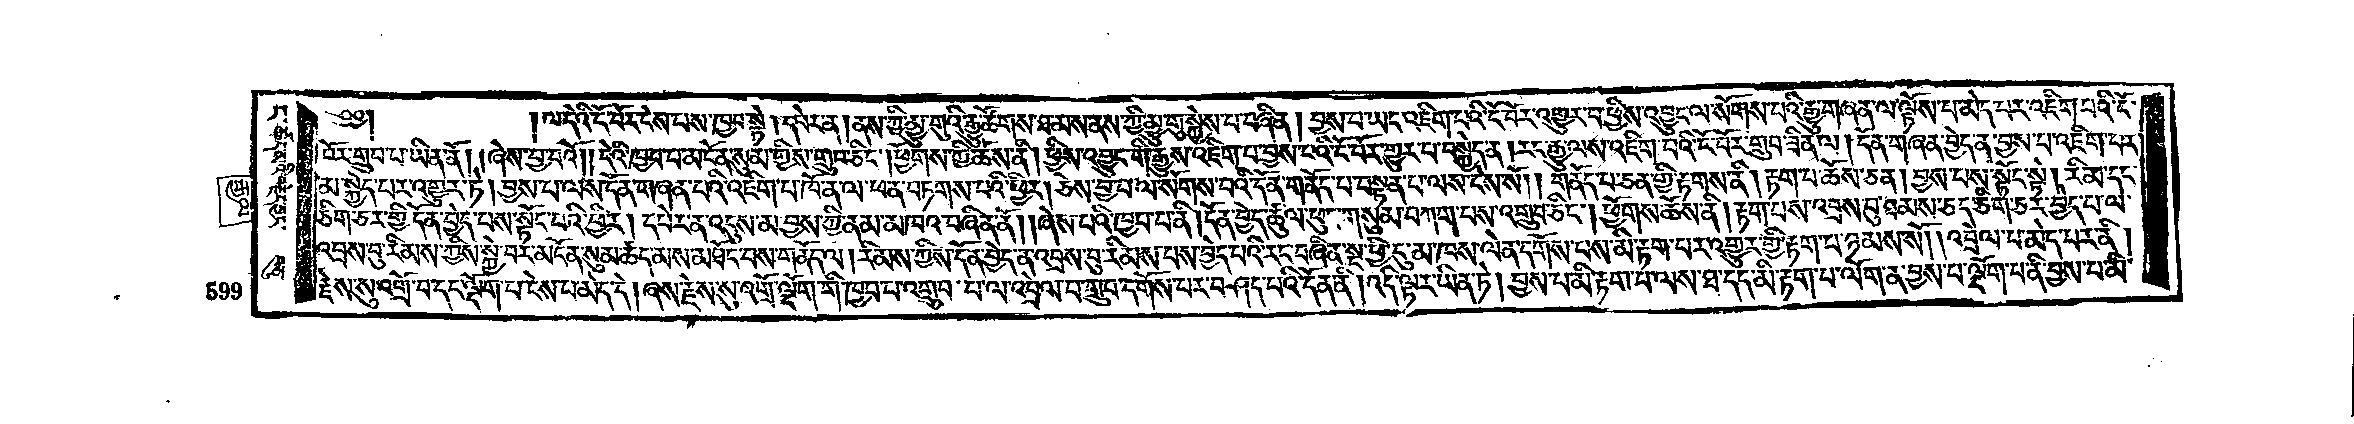༄༅། །ལ་དེའི་ངོ་བོར་ངེས་པས་ཁྱབ་སྟེ། དཔེར་ན། ནས་ཀྱི་མྱུ་གུའི་རྒྱུ་ཚོགས་ཐ་མས་ནས་ཀྱི་མྱུ་གུ་སྐྱེས་པ་བཞིན། བྱས་པ་ཡང་འཇིག་པའི་ངོ་བོར་འགྱུར་པ་ཕྱིས་འབྱུང་ལ་སོགས་པའི་རྒྱུ་གཞན་ལ་ལྟོས་པ་མེ་དཔར་འཇིག་པའི་ངོ་
བོར་གྲུབ་པ་ཡིན་ནོ། །ཞེས་བྱ་བའོ། །དེའི་ཁྱབ་པ་མངོན་སུམ་གྱིས་གྲུབ་ཅིང་། ཕྱོགས་ཀྱི་ཆོས་ནི། ཕྱིས་འབྱུང་གི་རྒྱུས་འཇིག་པ་བྱས་པའི་ངོ་བོར་གྱུར་པ་བསྐྱེད་པ་བསྐྱེད་ན། རང་རྒྱུ་ལས་འཇིག་པའི་ངོ་བོར་གྲུབ་ཟིན་ལ། དོན་གཞན་བྱེད་ན་བྱས་པ་འཇིག་པར་
མ་སྐྱེད་པར་འགྱུར་ཏེ། བྱས་པ་ལས་དོན་གཞན་པའི་འཇིག་པ་ཁོ་ན་ལ་ཕན་བཏགས་པའི་ཕྱིར། ཅེས་བྱ་བ་ལ་སོགས་པའི་དོན་གནོད་པ་བསྟན་པ་ལས་ངེས་སོ། །གནོད་པ་ཅན་གྱི་རྟགས་ནི། རྟག་པ་ཆོས་ཅན། བྱས་པས་སྟོང་སྟེ། རིམ་དང་
ཅིག་ཅར་གྱི་དོན་བྱེད་པས་སྟོང་པའི་ཕྱིར། དཔེར་ན་འདུས་བྱས་ཀྱི་ནམ་མཁའ་བཞིན་ནོ། །ཞེས་པའི་ཁྱབ་པ་ནི། དོན་བྱེད་ཚུལ་ཕུང་གསུམ་བཀག་པས་འགྲུབ་ཅིང་། ཕྱོགས་ཆོས་ནི། རྟག་པས་འབྲས་བུ་ཐམས་ཅད་ཅིག་ཅར་བྱེད་པ་ལ་
འབྲས་བུ་རིགས་ཀྱིས་སྐྱེ་བར་མངོན་སུམ་ཚད་མས་མཐོང་བས་གནོད་ལ། རིམས་ཀྱིས་དོན་བྱེད་ན་འབྲས་བུ་རིམས་པས་བྱེད་པའི་རང་བཞིན་སྔ་ཕྱི་དུ་མ་ཁས་ལེན་དགོས་པས་མི་རྟག་པར་འགྱུར་གྱི་རྟག་པ་ཉམས་སོ། །འབྲེལ་པ་མེད་པར་ནི།
རྗེས་སུ་འགྲོ་བ་དང་ལྡོག་པ་ངེས་པ་མེད་དེ། ཞེས་རྗེས་སུ་འགྲོ་ལྡོག་གི་ཁྱབ་པ་འགྲུབ་པ་ལ་འབྲེལ་པ་གྲུབ་དགོས་པར་བཤད་པའི་དོན་ནི། འདི་ལྟར་ཡིན་ཏེ། བྱས་པ་མི་རྟག་པ་ལས་ཐ་དད་མི་རྟག་པ་ལོག་ན་བྱས་པ་ལྡོག་པ་ནི་བྱས་པ་མི་